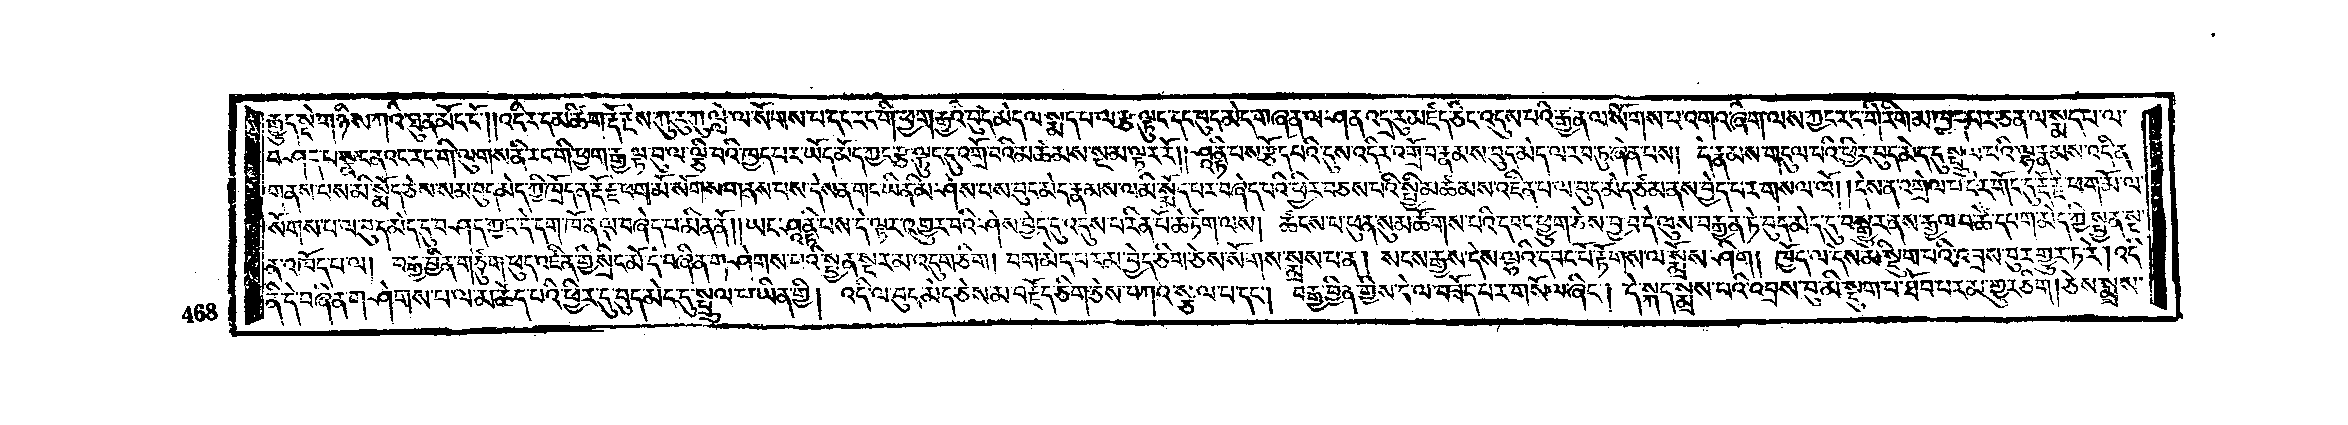རྒྱུད་སྡེ་གཉིས་ཀའི་ཐུན་མོང་ངོ། །འདིར་དམ་ཚིག་རྡོ་རྗེས་ཀུ་རུ་ཀུ་ལླེ་ལ་སོགས་པ་དང་རང་གི་ཕྱག་རྒྱའི་བུད་མེད་ལ་སྨད་པ་ལ་རྩ་ལྟུང་དང་བུད་མེད་གཞན་ལ་ཤན་འདྲ་རུ་མཛད་ཅིང་འདུས་པའི་རྒྱན་ལ་སོགས་པ་འགའ་ཞིག་ལས་ཀྱང་རང་གི་རིག་མ་ཁྱད་པར་ཅན་ལ་སྨད་པ་ལ་
བཤད་པ་སྣང་ནའང་རང་གི་ལུགས་ནི་རང་གི་ཕྱག་རྒྱ་ལྟ་བུ་ལ་ལྕི་བའི་ཁྱད་པར་ཡོད་མོད་ཀྱང་རྩ་ལྟུང་དུ་འགྲོ་བའི་མཚམས་སྔ་མ་ལྟར་རོ། །ཤཱནྟི་པས་རྩོད་པའི་དུས་འདིར་འགྲོ་བ་རྣམས་བུད་མེད་ལ་རབ་ཏུ་ཞེན་པས། དེ་རྣམས་གདུལ་པའི་ཕྱིར་བུད་མེད་དུ་སྤྲུལ་པའི་ལྷ་རྣམས་འདི་ན་
གནས་པས་མི་སྨོད་ཅེས་སམ་བུད་མེད་ཀྱི་ཁྲོད་ན་རྡོ་རྗེ་ཕག་མོ་སོགས་གནས་པས་དེས་ན་གང་ཡིན་མི་ཤེས་པས་བུད་མེད་རྣམས་ལ་མི་སྨོད་པར་བཞེད་པའི་ཕྱིར་བཅས་པའི་སྤྱི་མཚམས་འཛིན་པ་ལ་བུད་མེད་ཙམ་ནས་བྱེད་པར་གསལ་ལོ། །དེས་ན་འགྲེལ་པ་དེར་གོང་དུ་རྡོ་རྗེ་ཕག་མོ་ལ་
སོགས་པ་ལ་བུད་མེད་དུ་བཤད་ཀྱང་དེ་དག་ཁོ་ན་ལ་བཞེད་པ་མིན་ནོ། །ཡང་ཤཱནྟི་པས་དེ་ལྟར་འགྱུར་བའི་ཤེས་བྱེད་དུ་འདུས་པ་རིན་པོ་ཆེ་ཏོག་ལས། ཚངས་པ་ཕུན་སུམ་ཚོགས་པའི་དབང་ཕྱུག་ཅེས་བྱ་བ་དེ་ལུས་བརྒྱན་ཏེ་བུད་མེད་དུ་བསྒྱུར་ནས་རྒྱལ་བ་ཚེ་དཔག་མེད་ཀྱི་སྤྱན་སྔ་
ན་འཁོད་པ་ལ། བརྒྱ་བྱིན་གཙུག་ཕུད་འཛིན་གྱི་སྲིང་མོ་དེ་བཞིན་གཤེགས་པའི་སྤྱན་སྔར་མ་འདུག་ཅིག། བག་མེད་པར་མ་བྱེད་ཅིག་ཅེས་སོགས་སྨྲས་པ་ན། སངས་རྒྱས་དེས་ལྷའི་དབང་པོ་རྟོགས་ལ་སྨྲོས་ཤིག། ཁྱོད་ལ་དེས་མི་སྡུག་པའི་འབྲས་བུར་གྱུར་ཏ་རེ། འདི་
ནི་དེ་བཞིན་གཤེགས་པ་ལ་མཆོད་པའི་ཕྱིར་དུ་བུད་མེད་དུ་སྤྲུལ་པ་ཡིན་གྱི། འདི་ལ་བུད་མེད་ཅེས་མ་བརྗོད་ཅིག་ཅེས་བཀའ་སྩལ་པ་དང་། བརྒྱ་བྱིན་གྱིས་དེ་ལ་བཟོད་པར་གསོལ་ཞིང་། དེ་སྐད་སྨྲས་པའི་འབྲས་བུ་མི་སྡུག་པ་ཐོབ་པར་མ་གྱུར་ཅིག །ཅེས་སྨྲས་